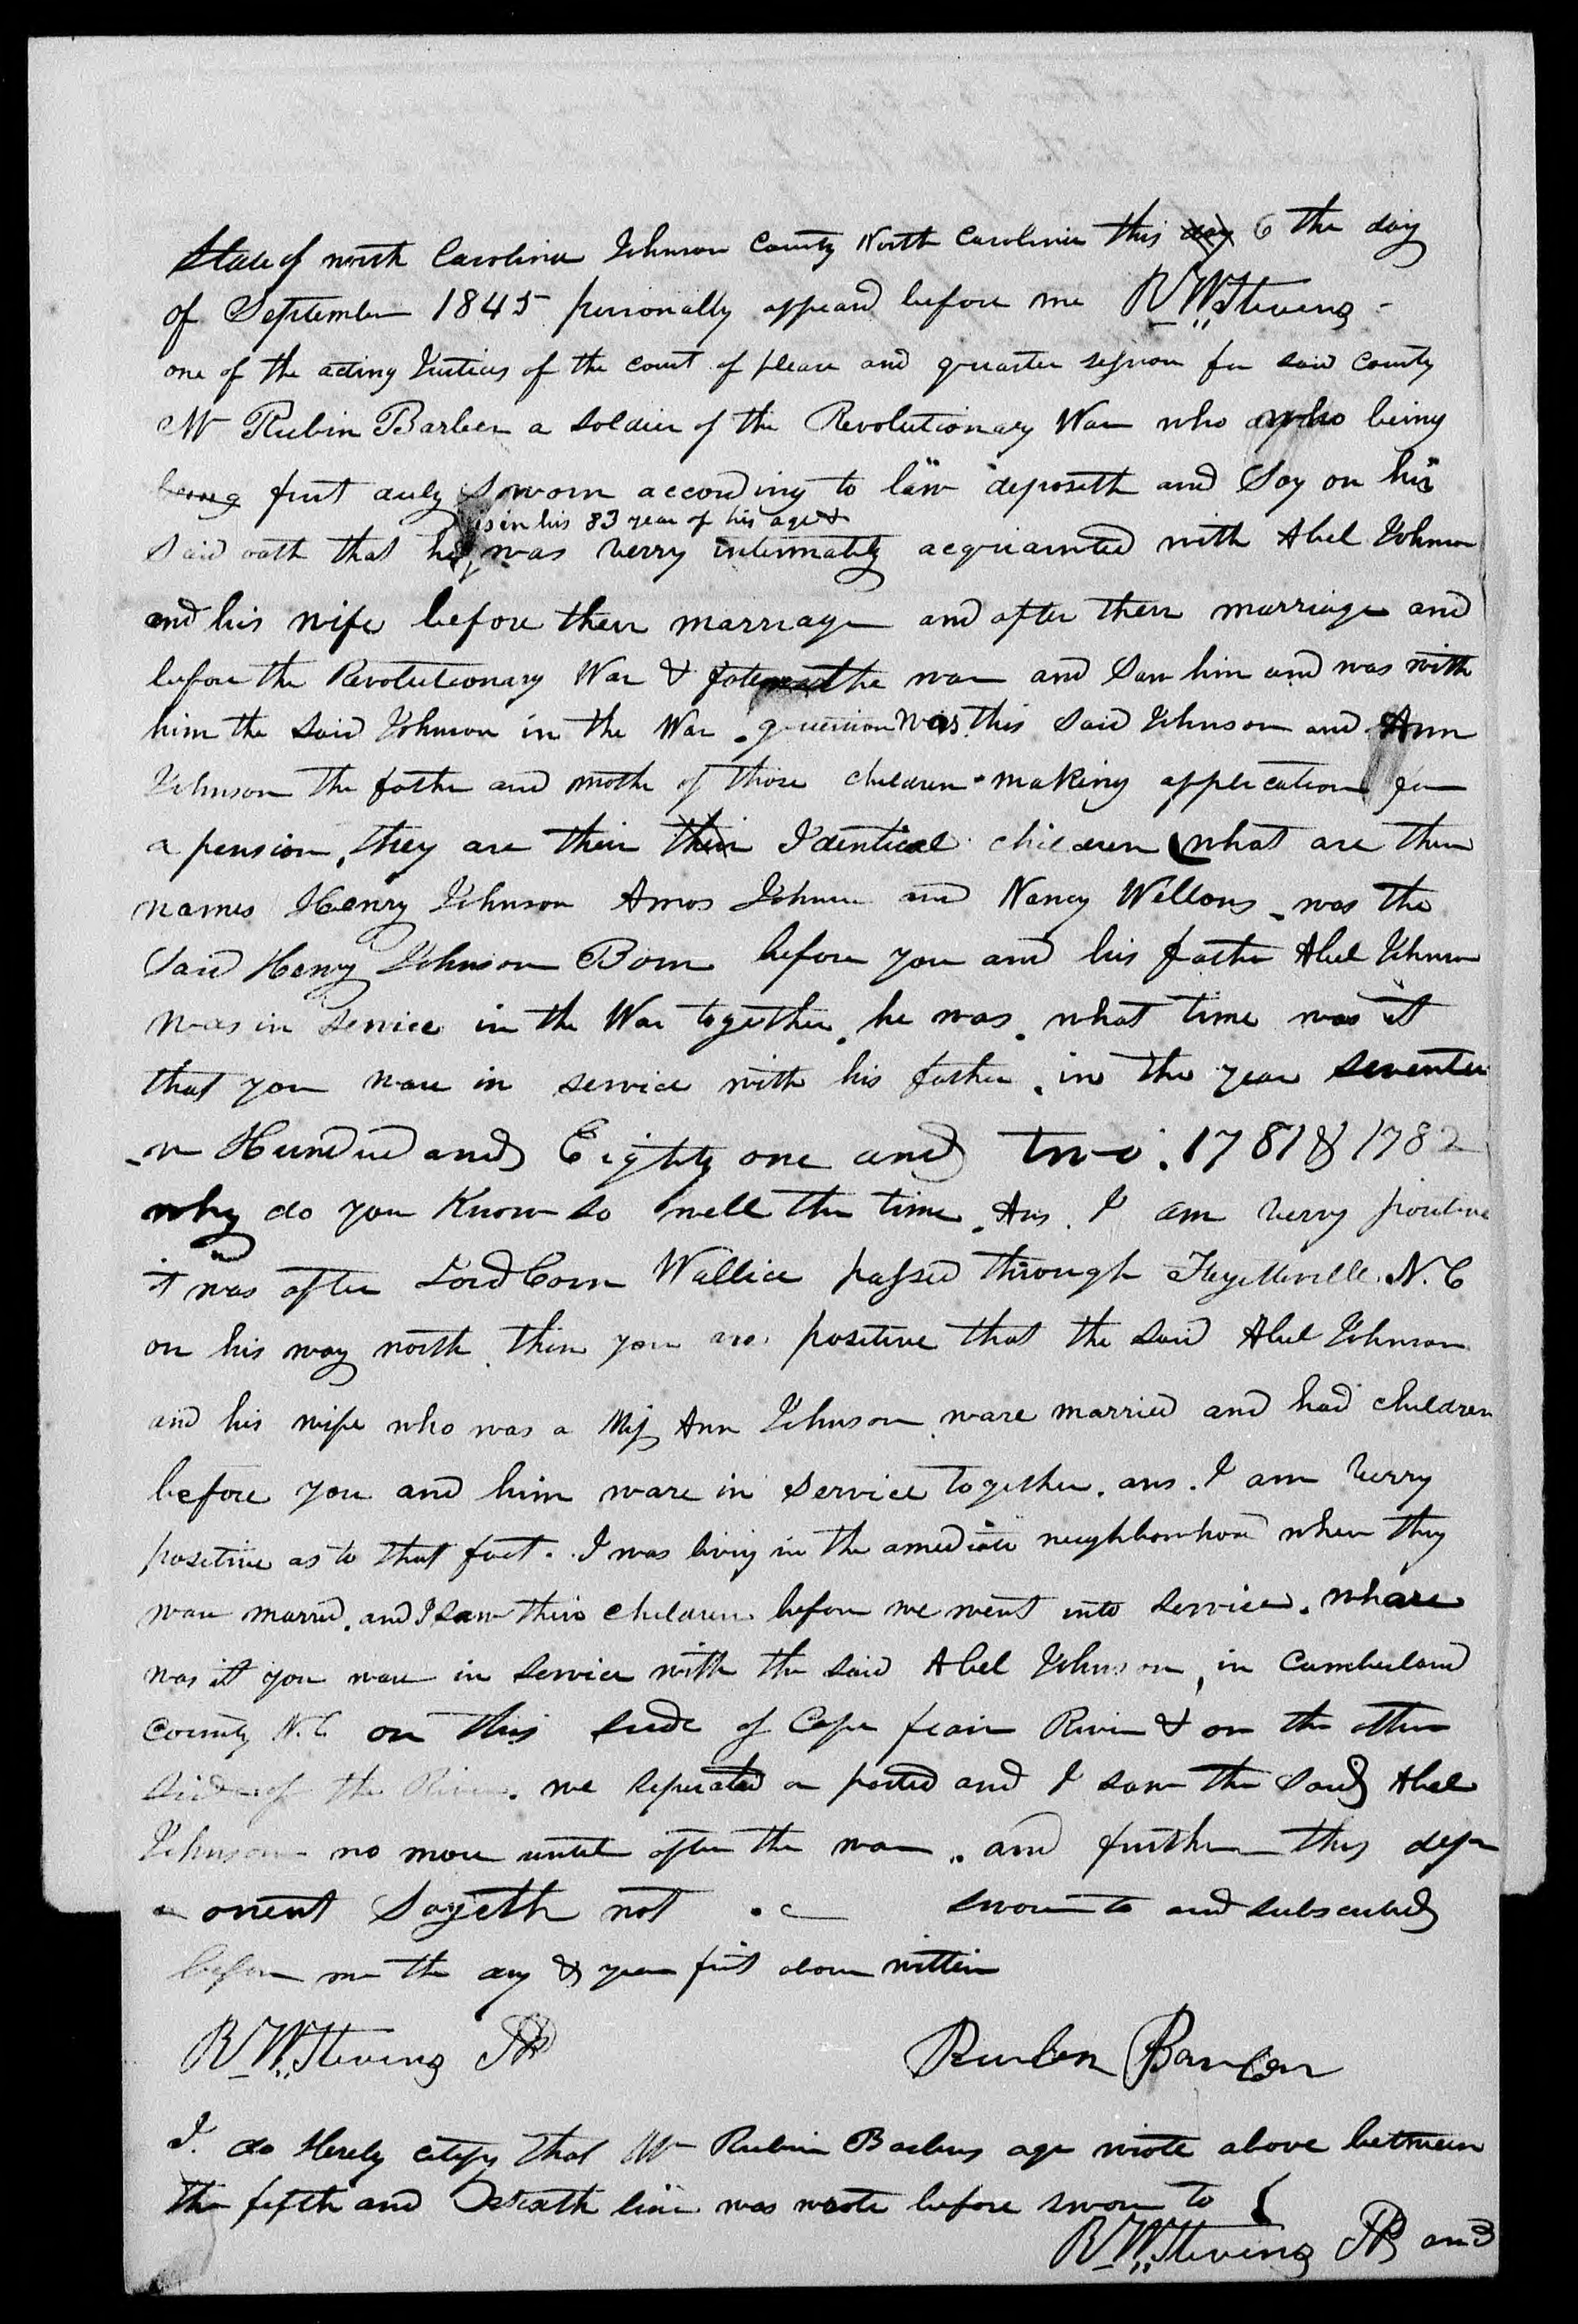State of North Carolina Johnson County North Carolina    this 6th day of September 1845 personally appeared before me R W. Stevens one of the acting Justices of the Court of Pleas and Quarter Sessions for said County W. Rubin Barber a soldier of the Revolutionary War who being first duly sworn according to law deposeth and say on his said oath that he is in his 83 year of his age and was very intimately acquainted with Abel Johnson and his wife before their marriage and after the marriage and before the Revolutionary War and fote [fought] the war and saw him and was with him the said Johnson in the War    question was this said Johnson and Ann Johnson the father and mother of those children making application for a pension,     they are their Identical children    what are the names Henry Johnson Amos Johnson  and Nancy Wellons     was the said Henry Johnson Born before you and his father Abel Johnson was in service in the War together     he was      what time was it that you are in service with his father     in the year seventeen Hundred and Eighty one and two. 1781 and 1782     why do you know so well the time.      Ans. [answer]  I am very positive it was after Lord Cornwallis passed through Fayetteville N.C. on his way north then you are positive that the said Abel Johnson and his wife who was a Miss Ann Johnson were married and had children before you and him were in service together   ans. [answer]    I am verry positive as to that fact.  I was living in the immediate neighborhood when they were married and I saw their children before we went into Service    where was it you were in Service with the said Abel Johnson    in Cumberland County N.C. on this side of Cape Fear River and on the other side of river .  we separated or parted and I saw the said Abel Johnson no more until after the war and further this deponent sayeth not.     Sworn to and subscribed before me the day and year first above written    R. W. Stevens JP    Rubin Barber I do hereby certify that Rubin Barber age wrote above between the fifth and sixth line was wrote before sworn to    R. W. Stevens JP  [seal]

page: 63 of 74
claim: rejected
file: R. 5600, for Abel Johnson, North Carolina